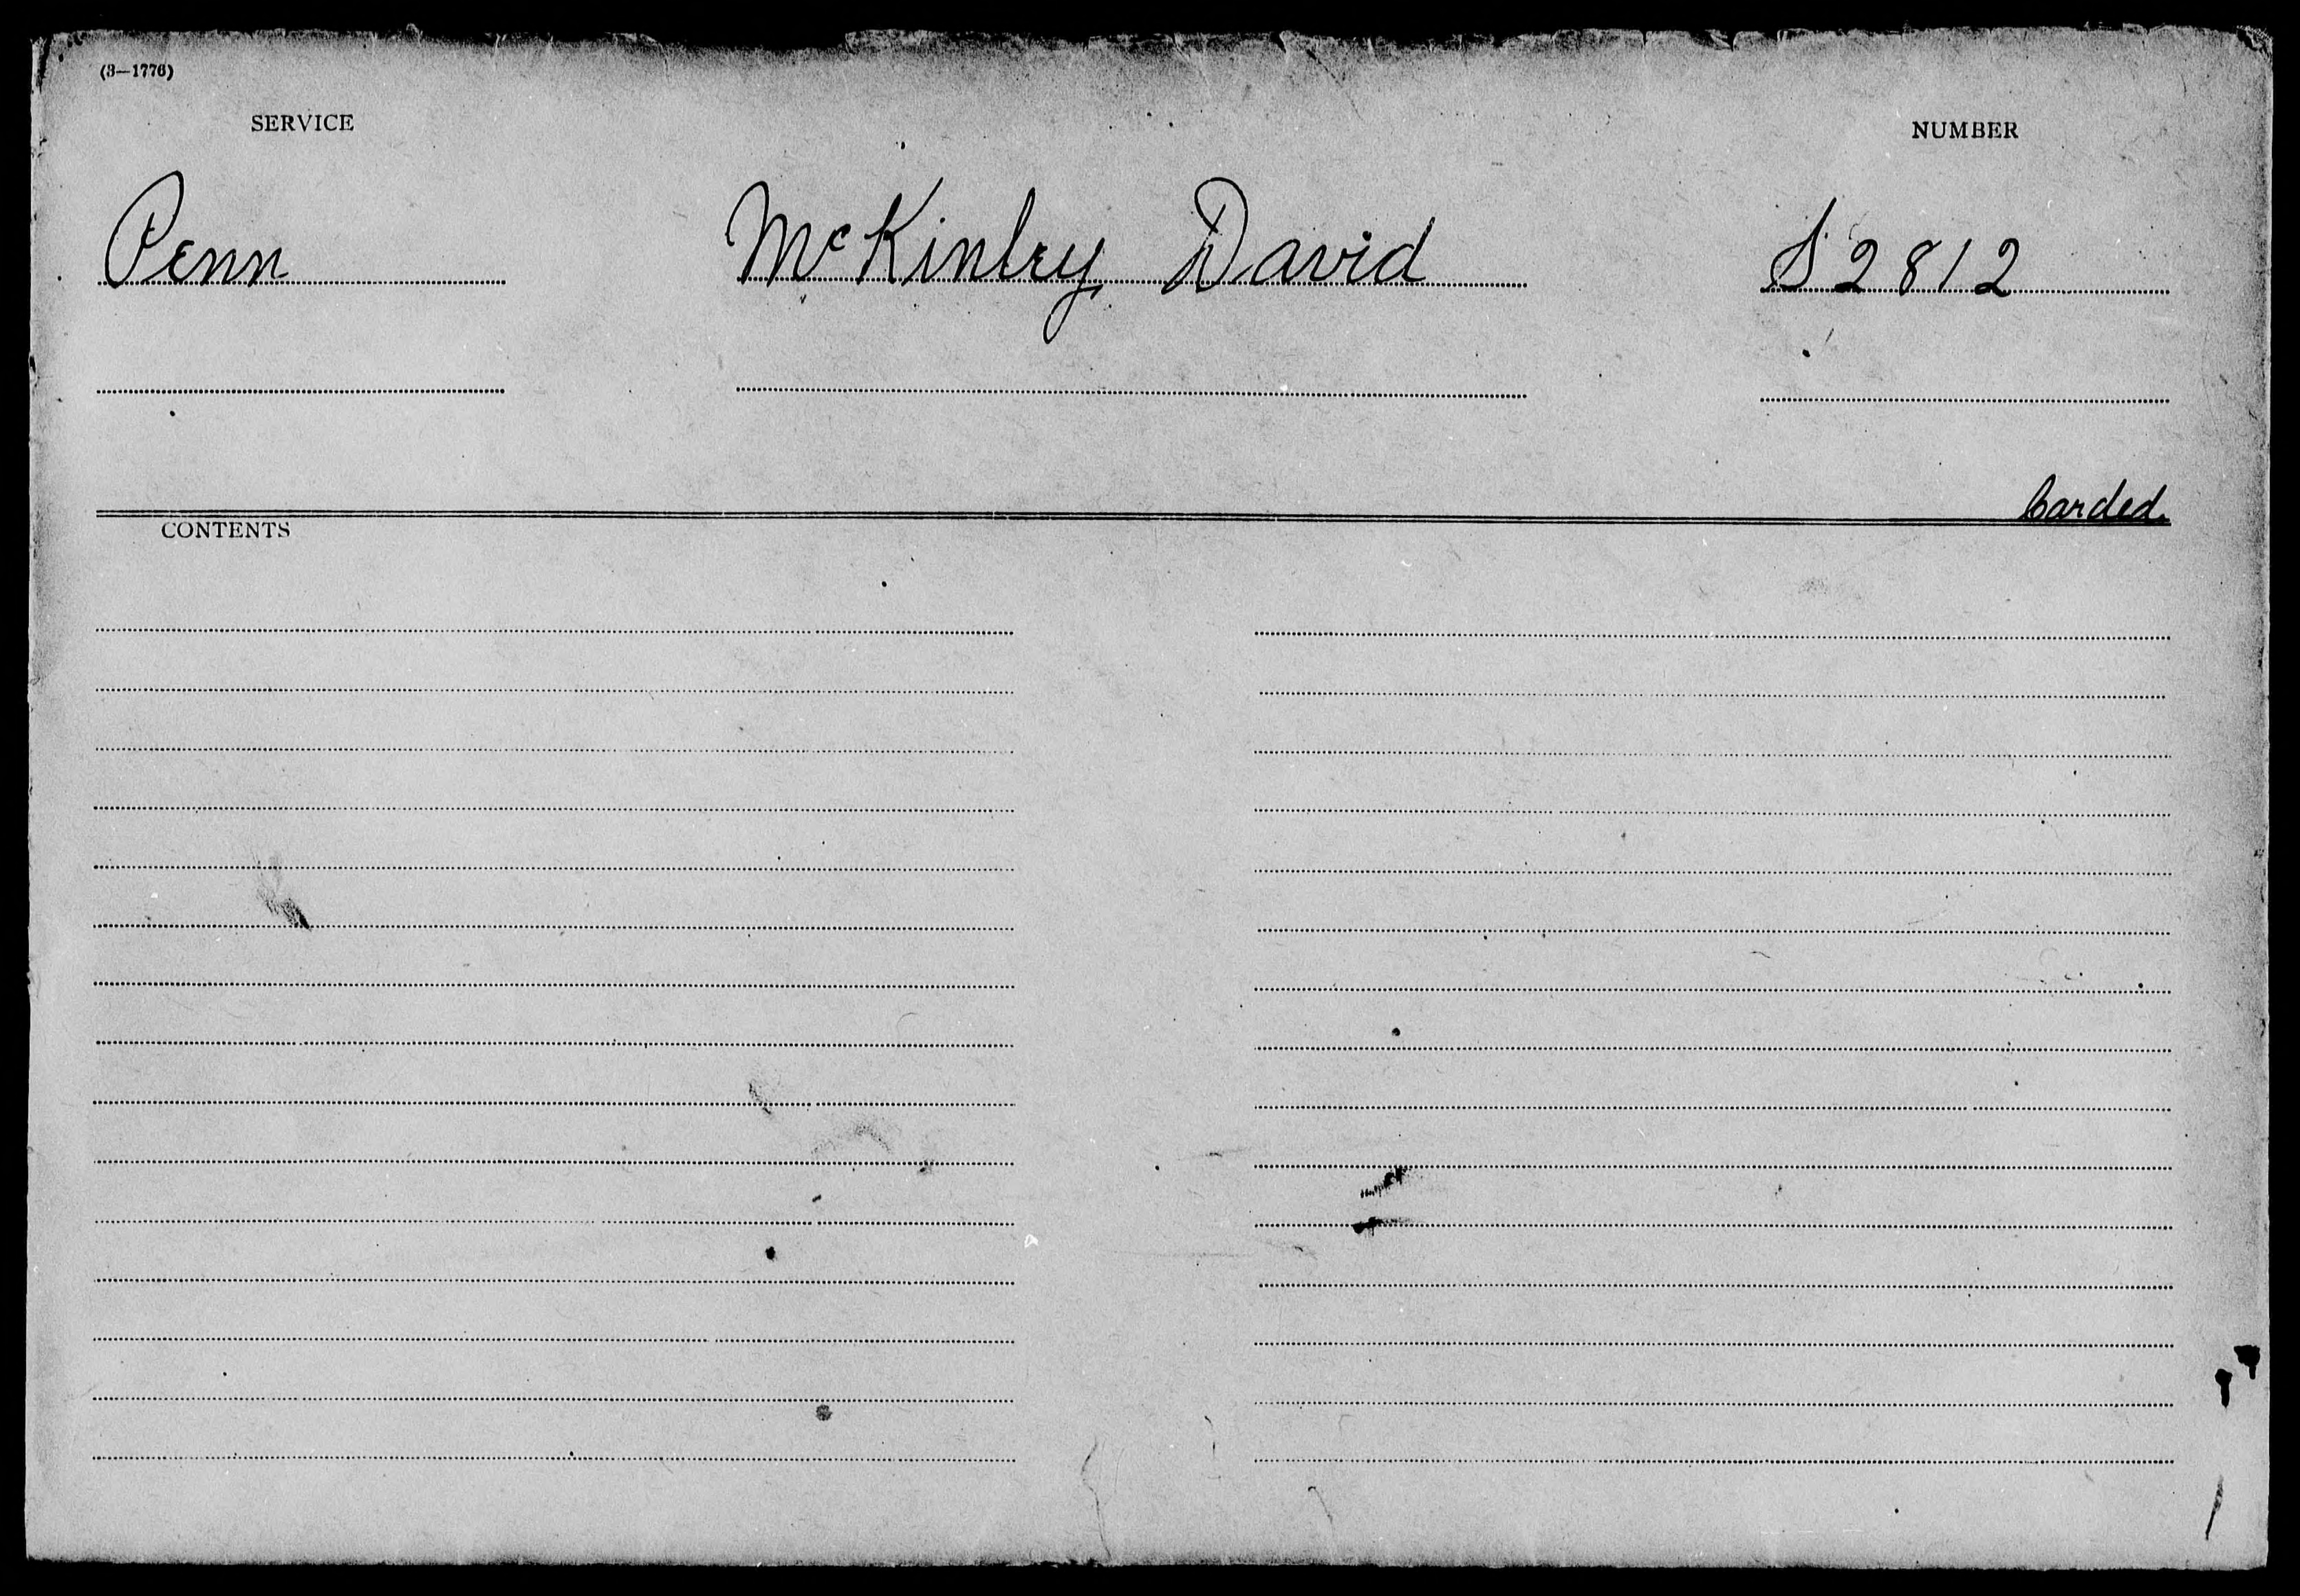(3 - 1776)
SERVICE NUMBER
Penn McKinley, David S.2812
Carded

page: 1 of 39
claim: survivor's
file: S. 2812, for David Mc Kinley, Pennsylvania